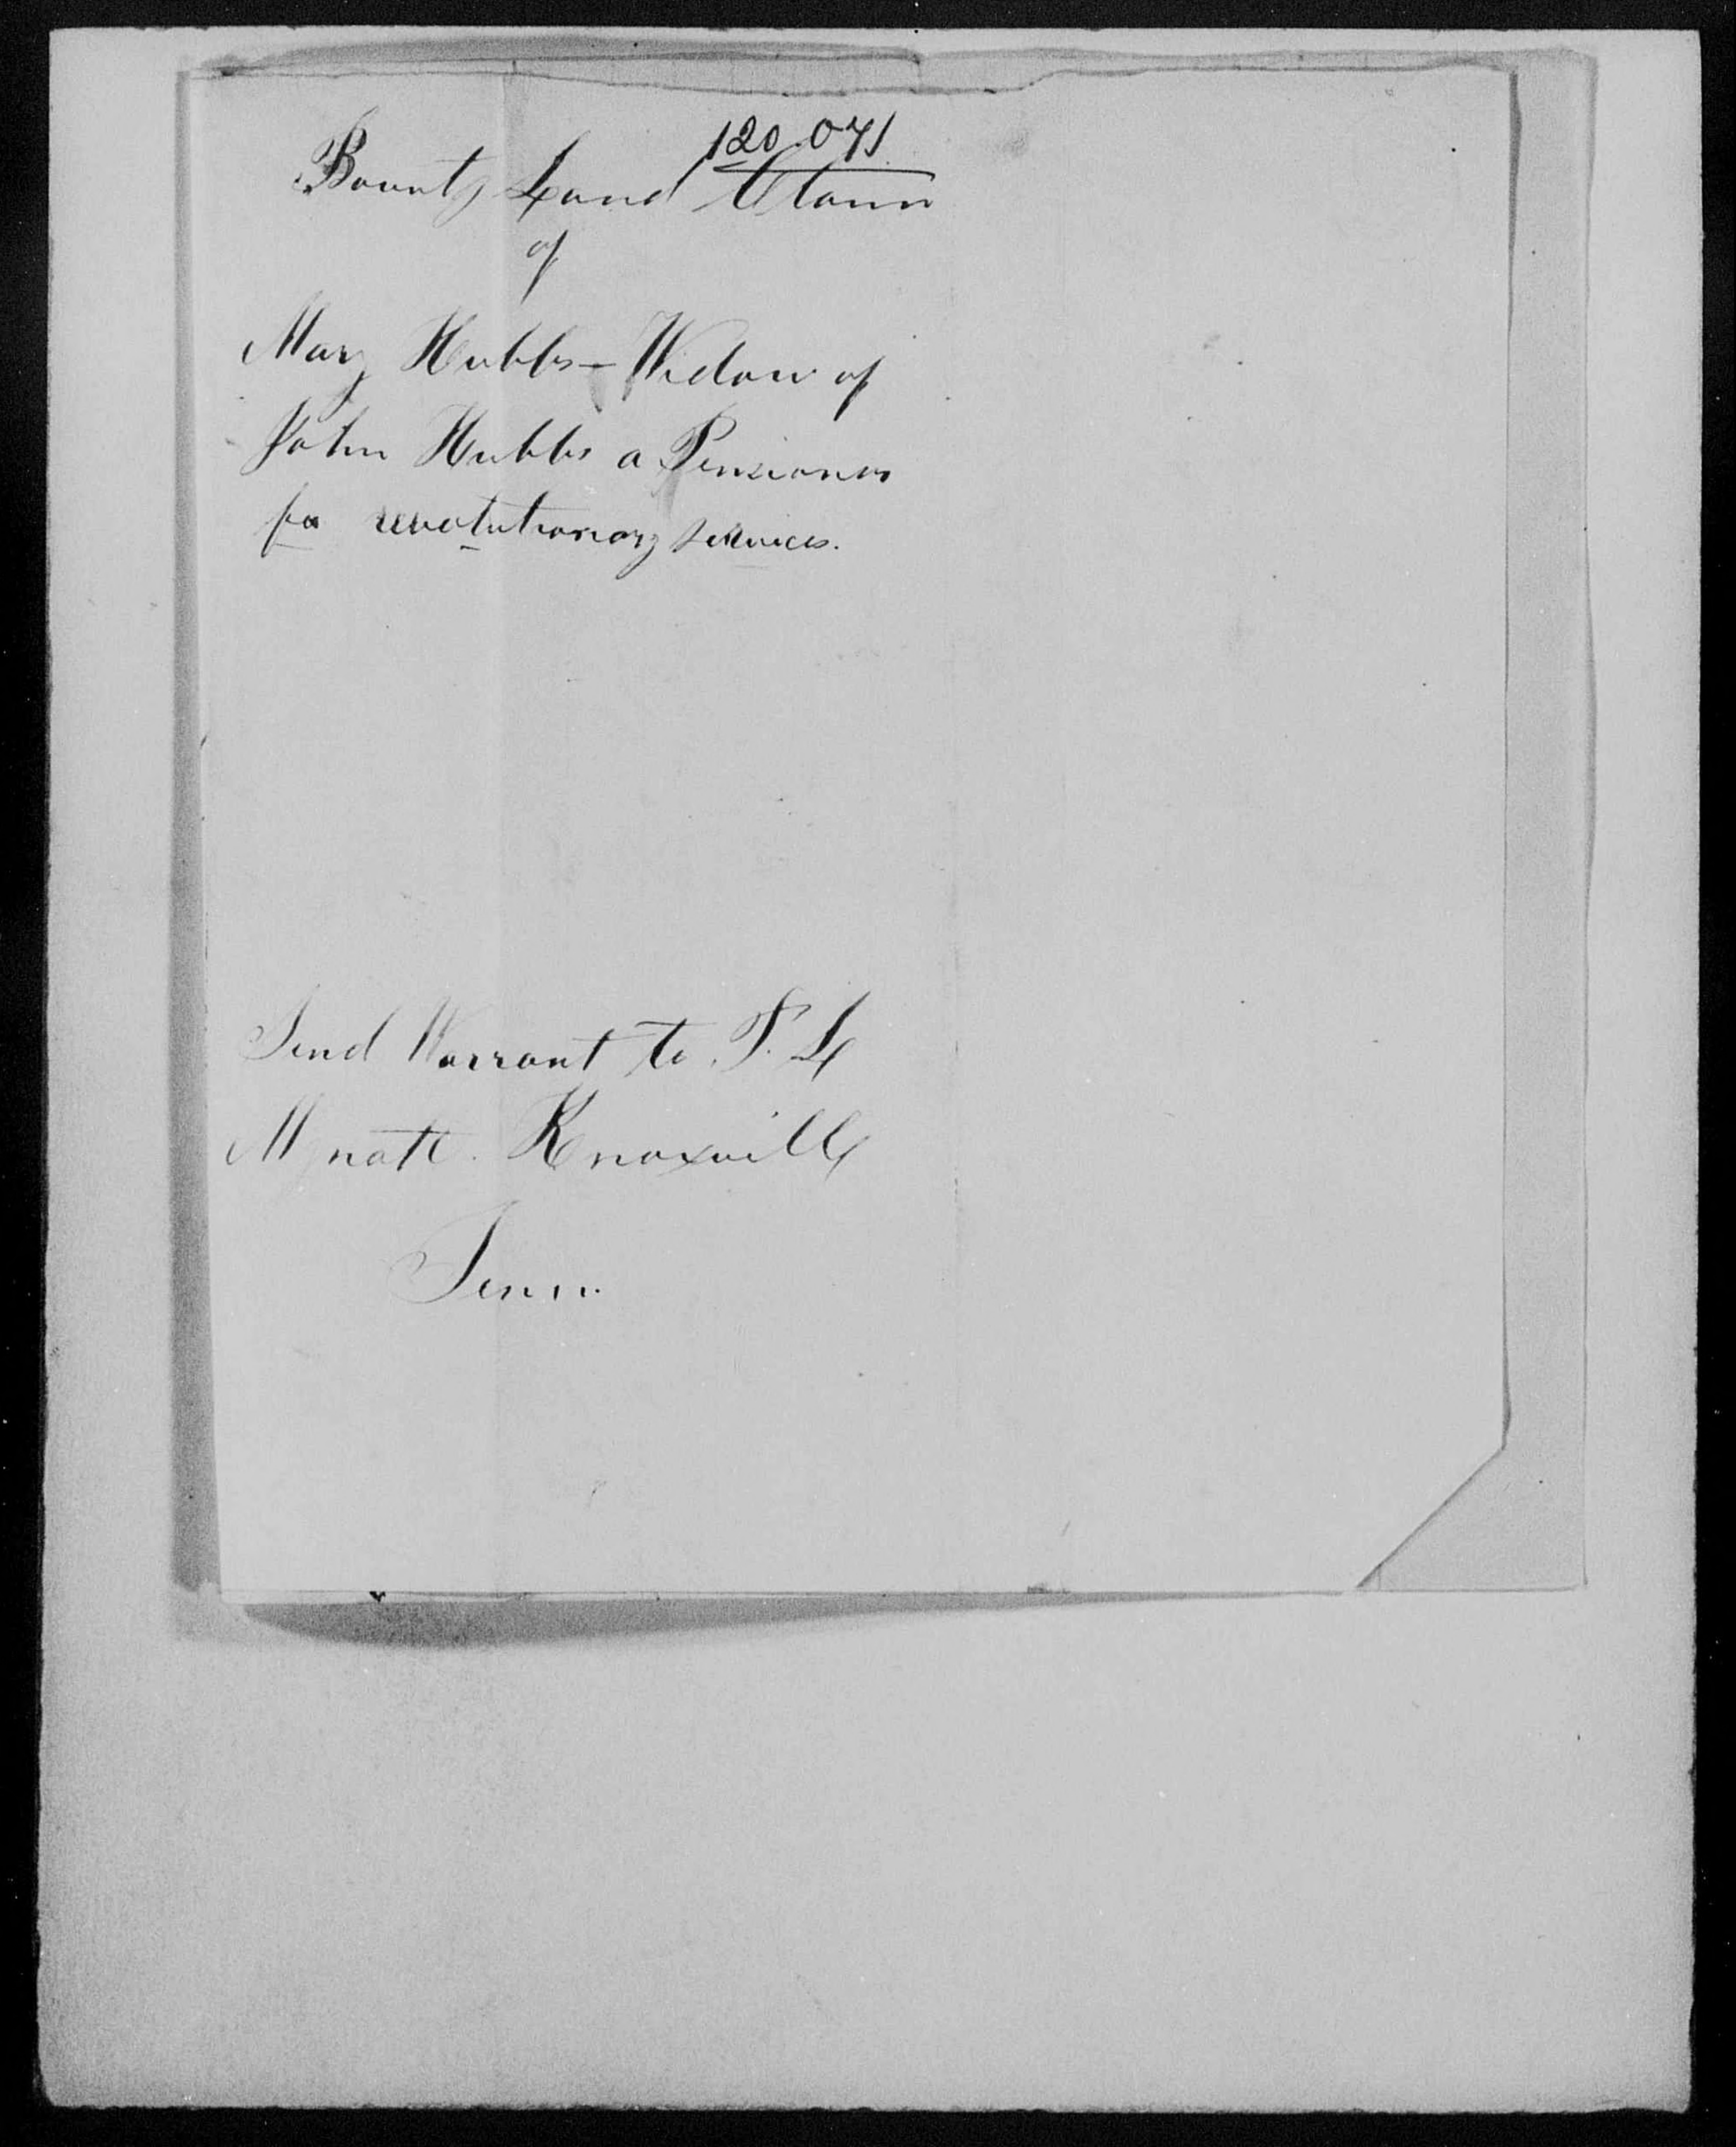120. 071
Bounty Land Claim
of
Mary Hubbs  - Widow of
John Hubbs a Pensioner
for revolutionary service

Send Warrant to F L 
Minott Knoxville
Tenn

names: F L Minott, Mary Hubbs, John Hubbs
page: 20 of 86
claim: widow's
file: W. 1035, John Hubbs, S.C.